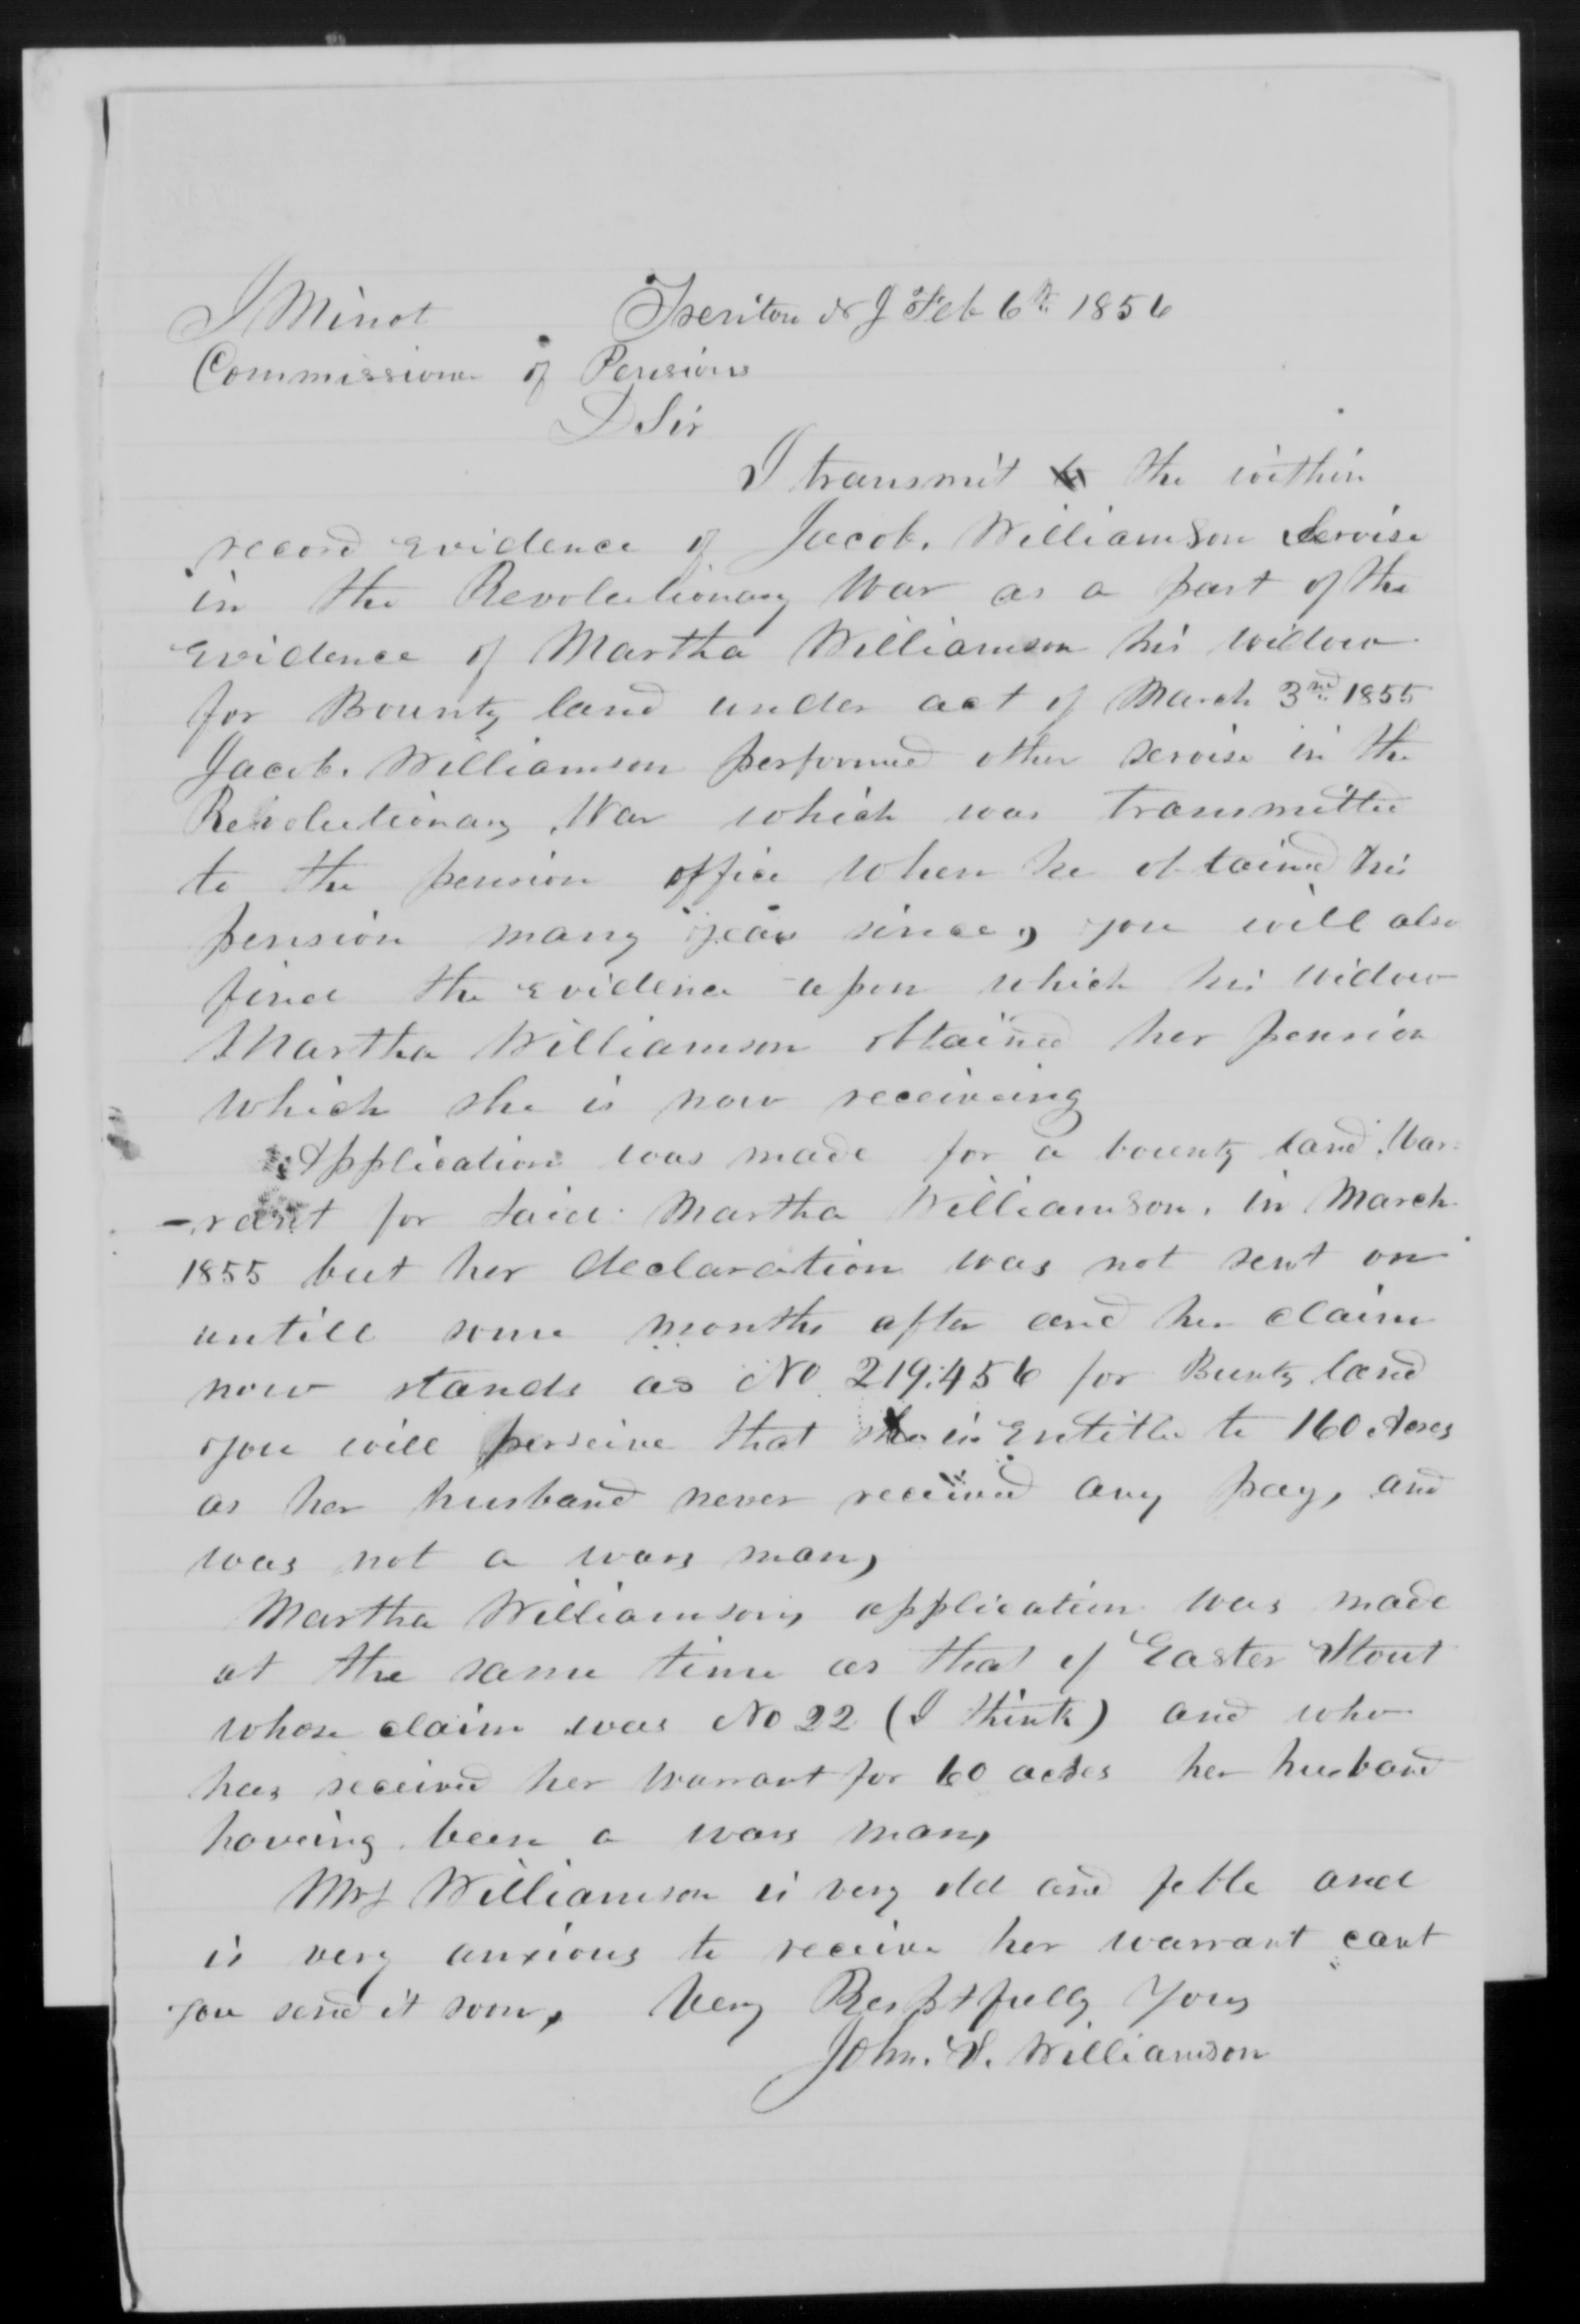Trenton, N.J., Feb. 6th 1856.

J. Minot
Commissioner of Pensions

D(ea)r Sir,

I transmit [crossed out: to] the within record evidence of Jacob Williamson service in the Revolutionary War as a part of the evidence of Martha Williamson, his widow, for Bounty Land under Act of March 3rd 1855. Jacob Williamson performed other service in the Revolutionary War, which was transmitted to the Pension Office when he obtained his pension many years since. You will also find the evidence upon which his widow, Martha Williamson, obtained her pension, which she is now receiving.

Application was made for a Bounty Land Warrant for said Martha Williamson in March 1855 but her declaration was not sent on until some months after and her claim now stands as No. 219,456 for Bounty Land. You will perceive that she is entitled to 160 acres as her husband never received any pay and was not a wars man.

Martha Williamson's application was made at the same time as that of Easter Stout, whose claim was No. 22 (I think) and who has received her warrant for 160 acres; her husband having been a wars man.

Mrs. Williamson is very old and feeble and is very anxious to receive her warrant. Can't you send it soon.

Very respectfully yours,
s/ John S. Williamson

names: Easter Stout, John S Williamson, J Minot, Jacob Williamson, Martha Williamson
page: 33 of 67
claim: widow's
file: W. 2393, Jacob Williamson, New Jersey